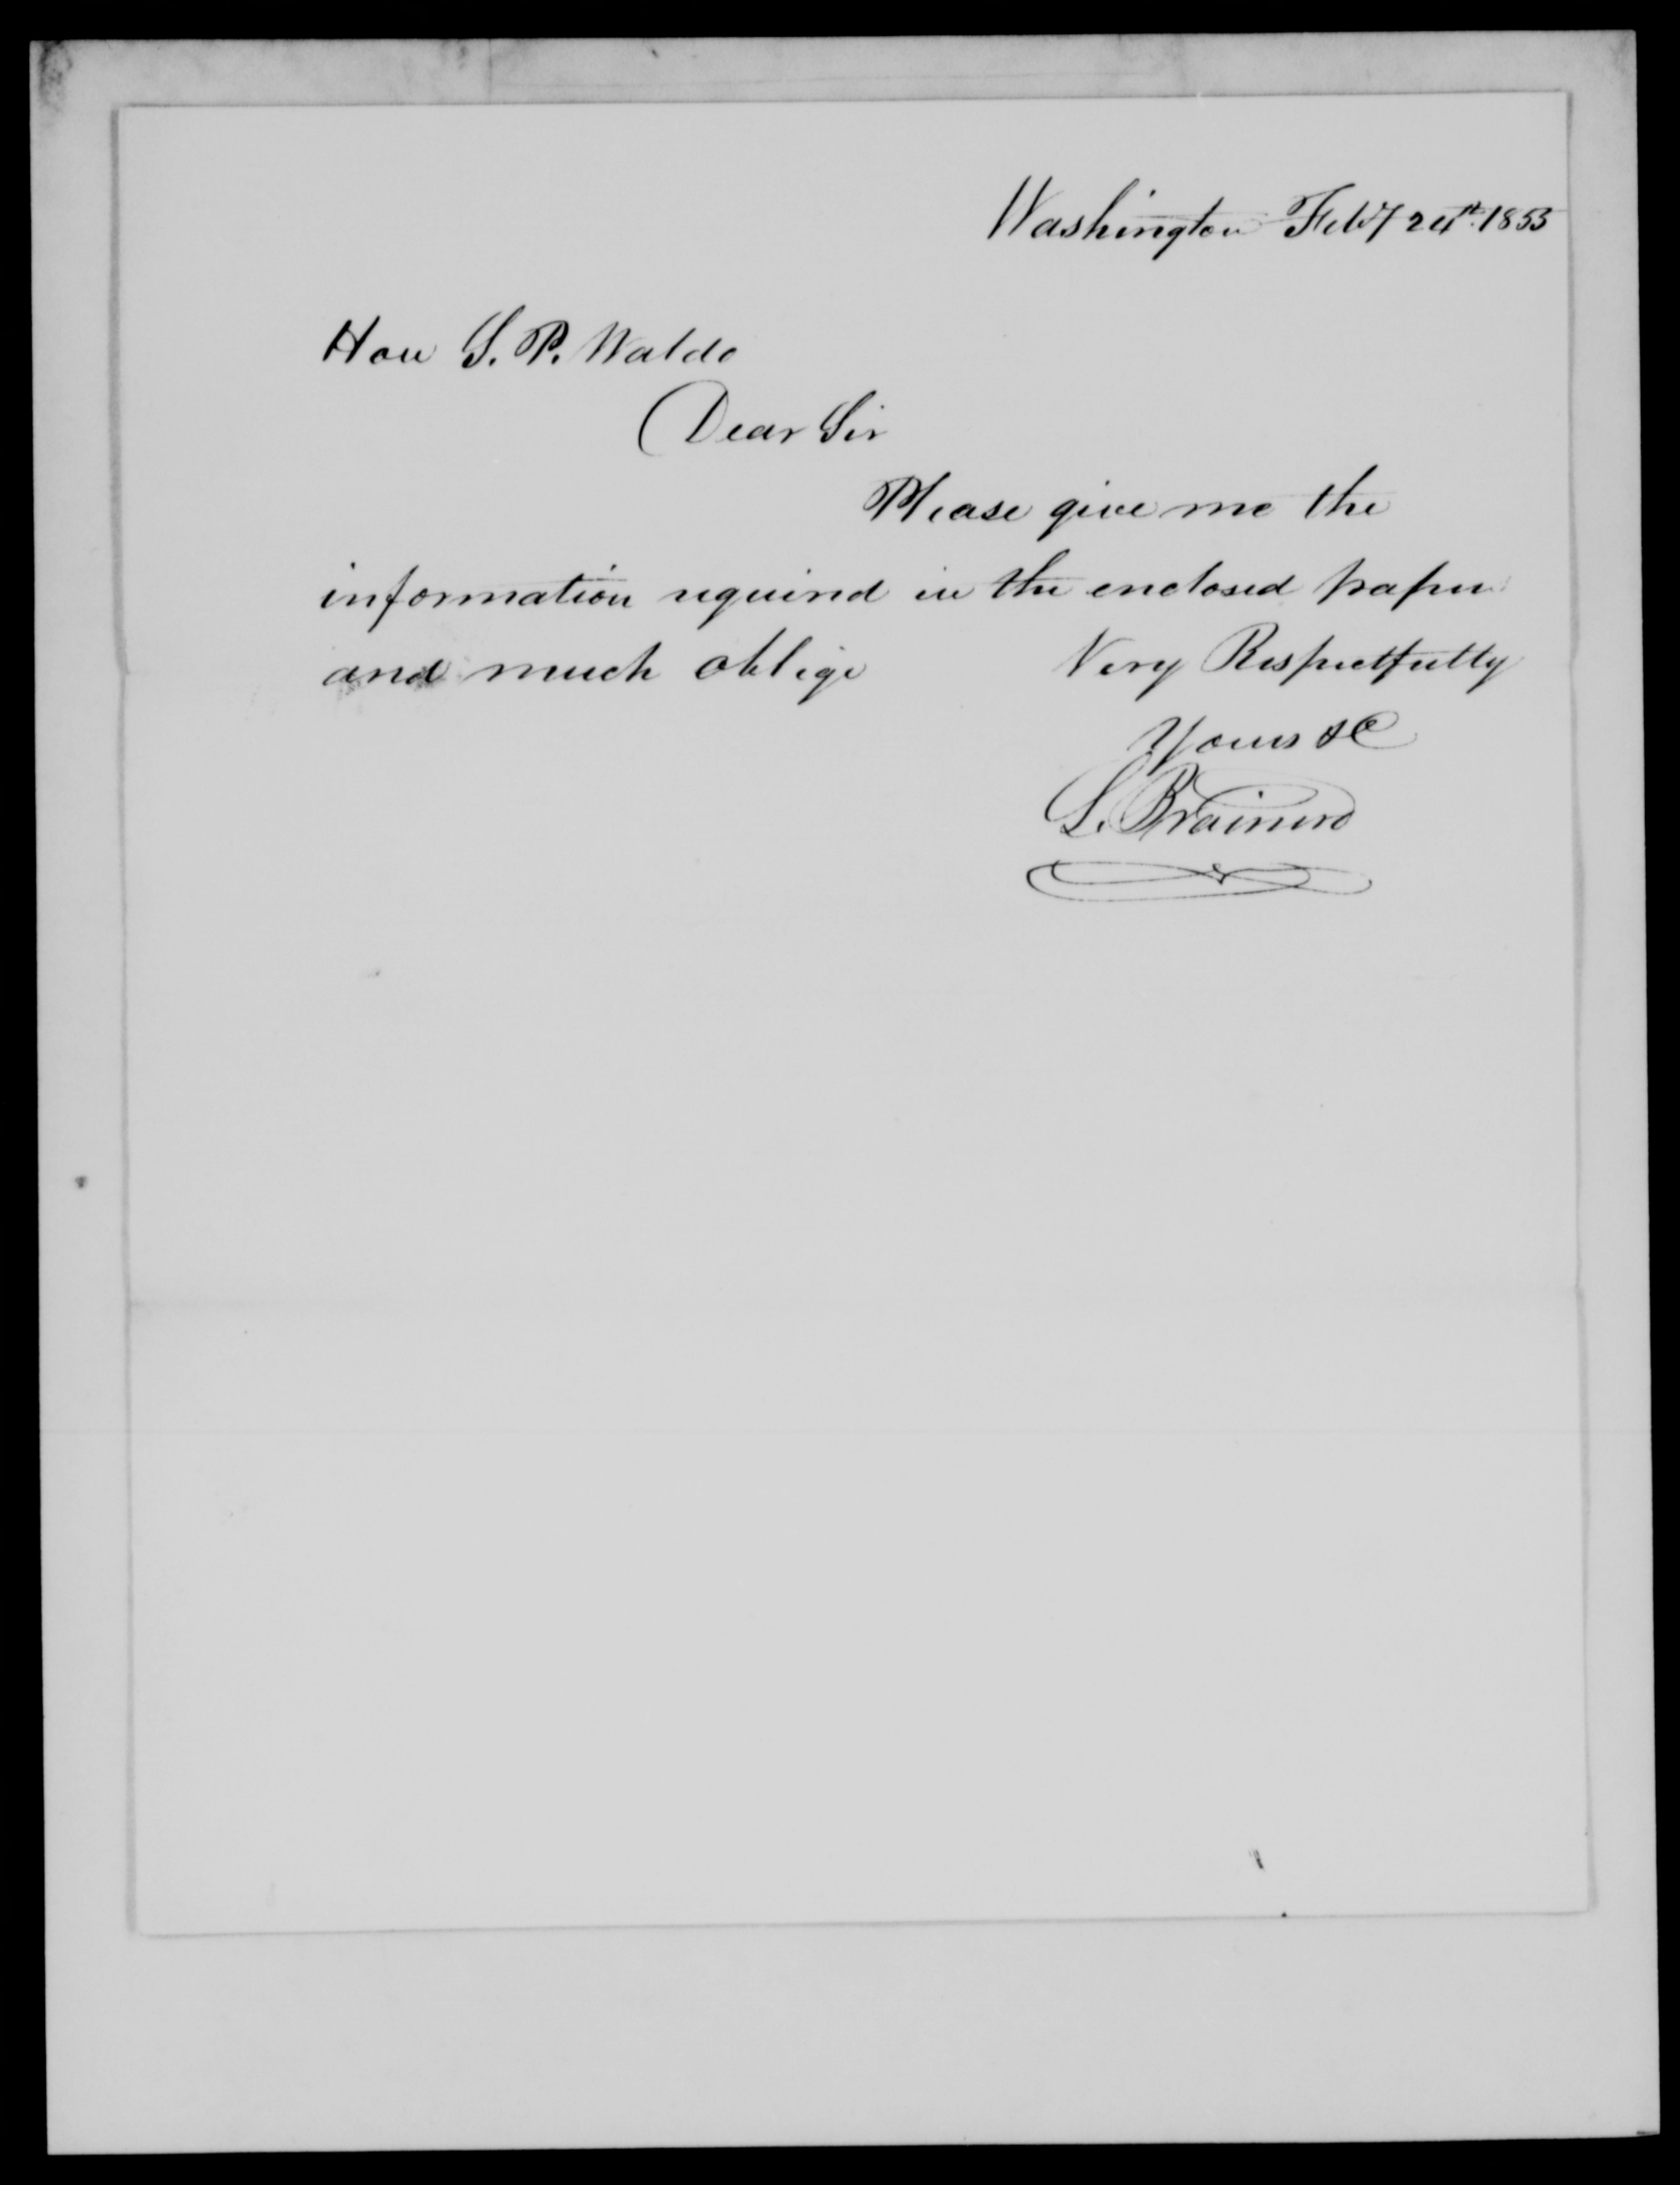Washington Feby. 24th 1855

Hon. L. P. Waldo
Sir:
Please give me the information required on the enclosed papers and much oblige.
Very Respectfully
Yours &c.
L. Brainerd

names: L Brainerd, L P Waldo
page: 27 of 79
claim: survivor's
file: S. 11759, Samuel White, Mass.